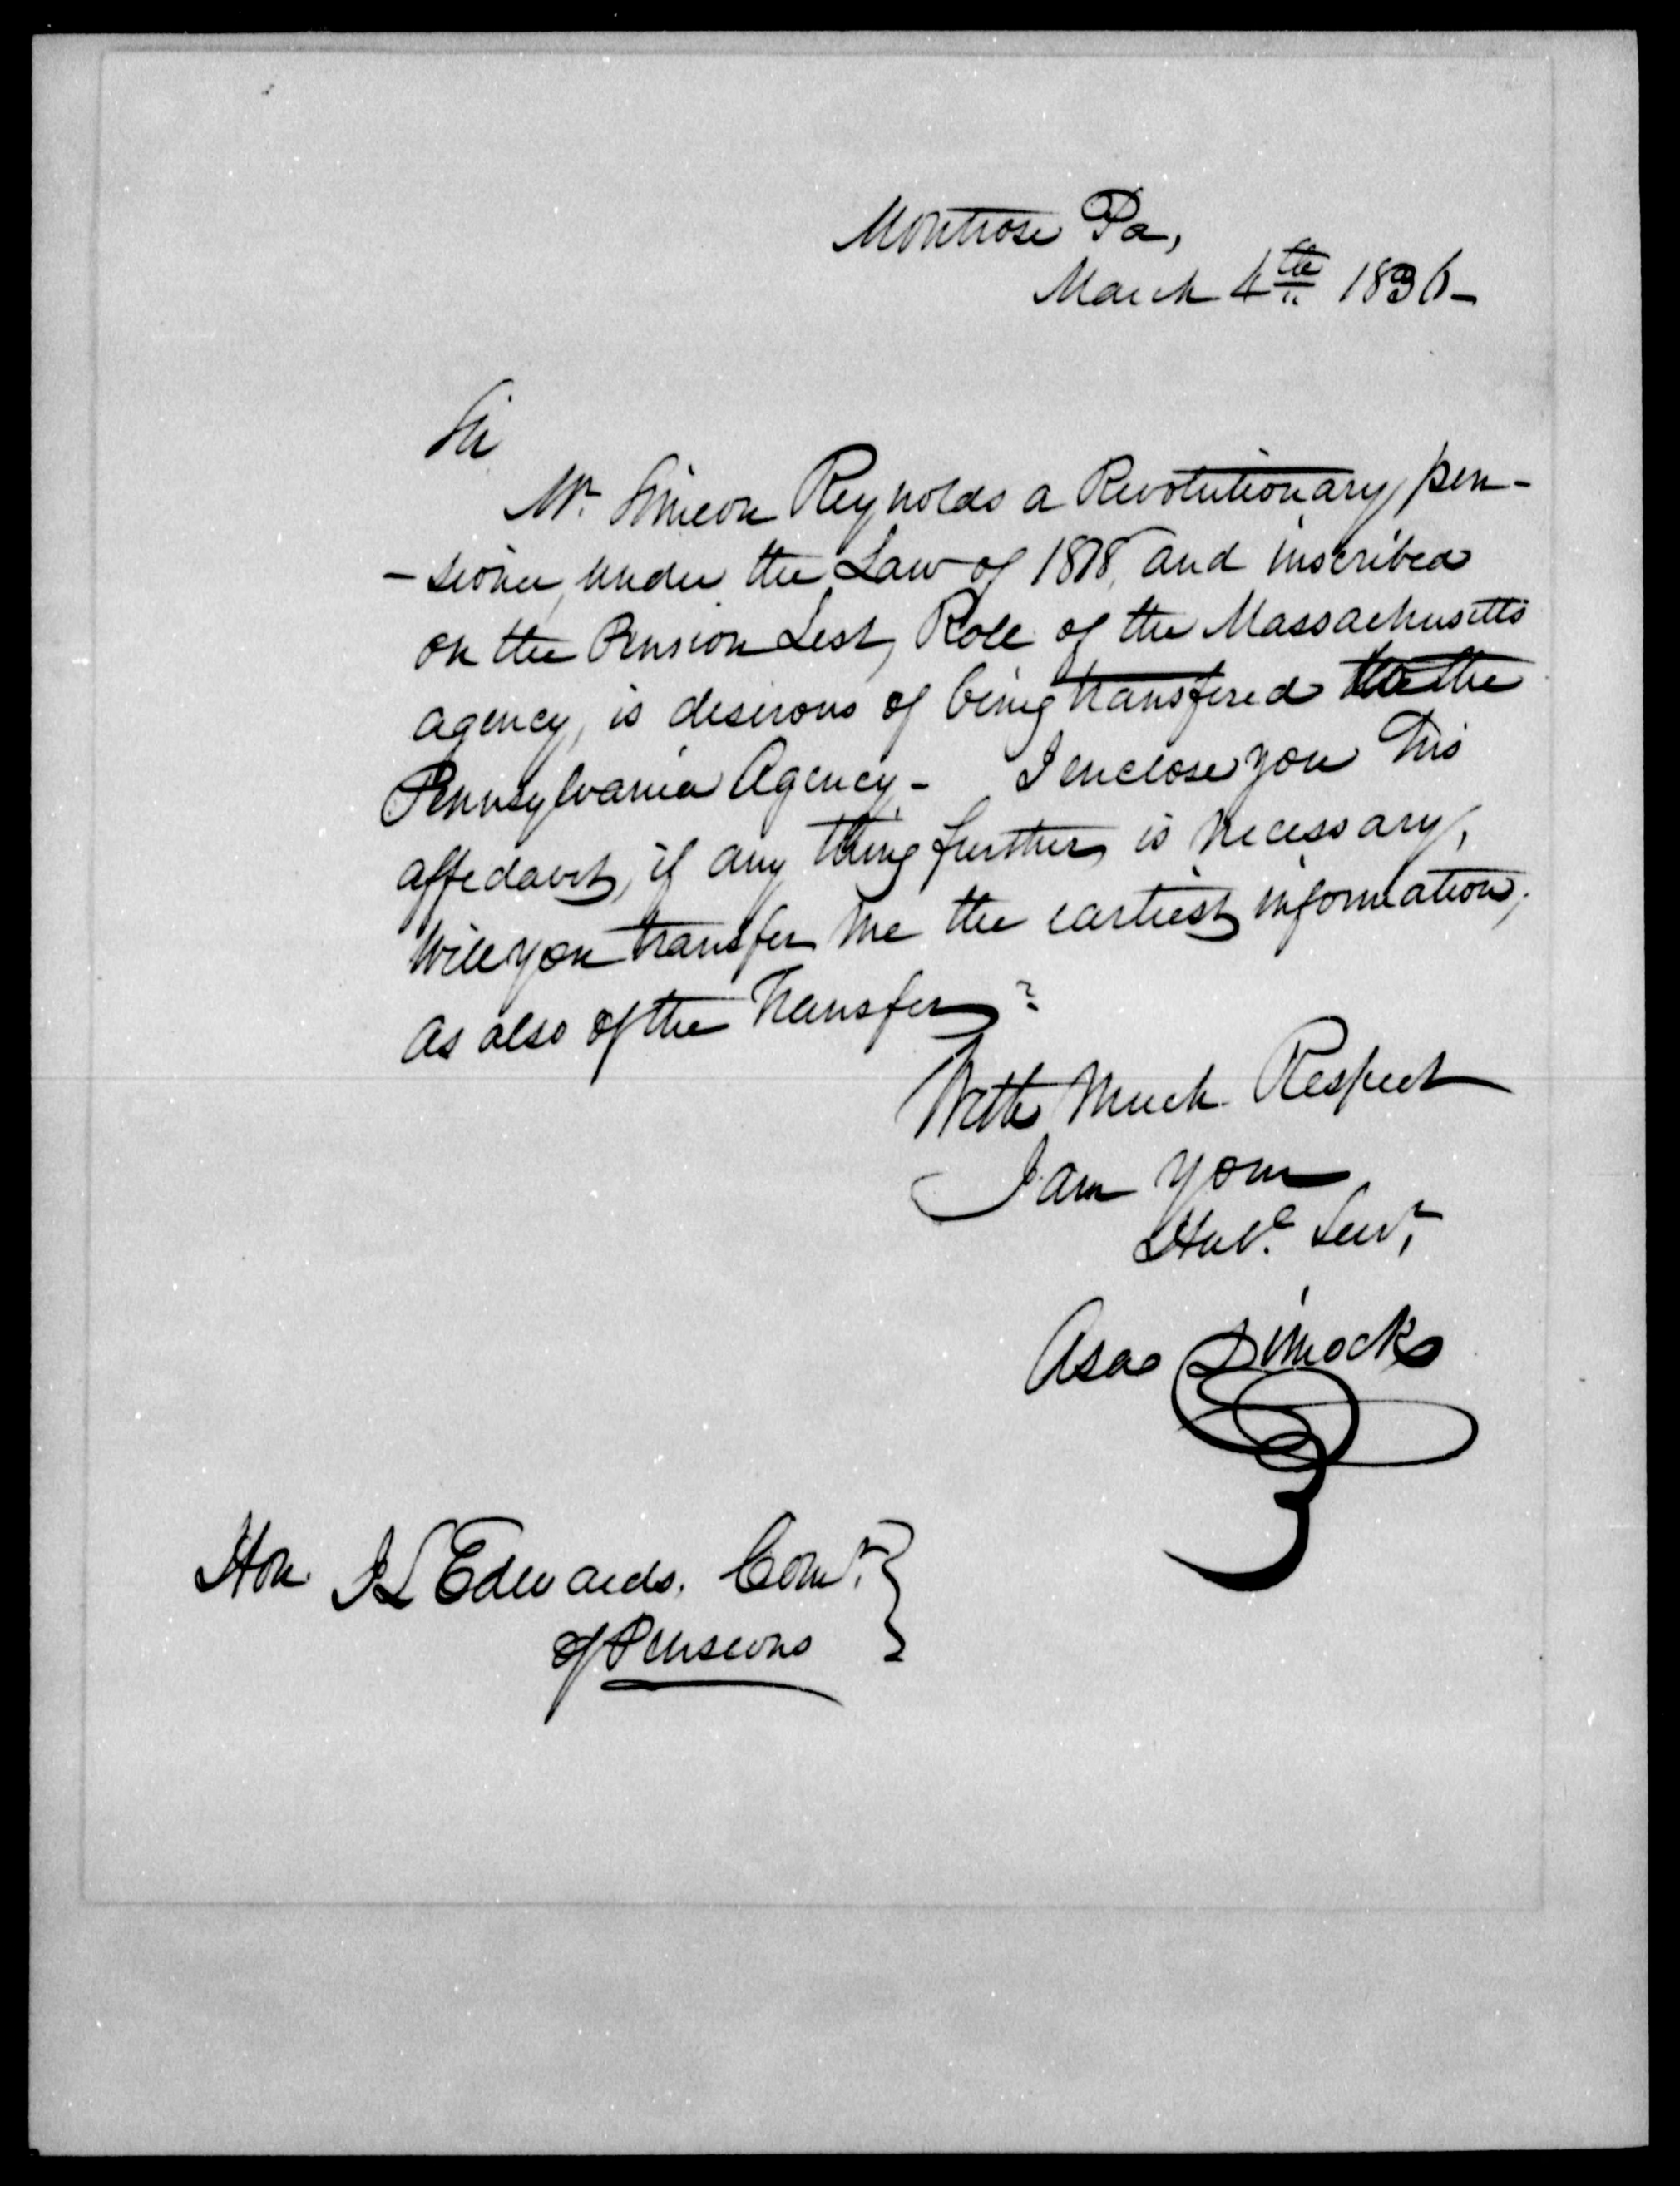Montrose Pa,
March 4th 1836

Sir

Mr Simeon Reynolds a Revolutionary pensioner, under the Law of 1818, and inscribed on the Pension List Roll of the Massachusetts agency is desirous of being transferred to the Pennsylvania agency. I enclose you his affidavits, if any thing further is necessary, will you transfer me the earliest information, as also of the transfer.

With much respect, I am your humb servt,

Asa Dimock

Hon. JL Edwards Comm of Pensions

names: J L Edwards; Simeon Reynolds; Asa Dimock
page: 16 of 20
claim: survivor's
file: S. 41,094, for Simeon Reynolds, Connecticut